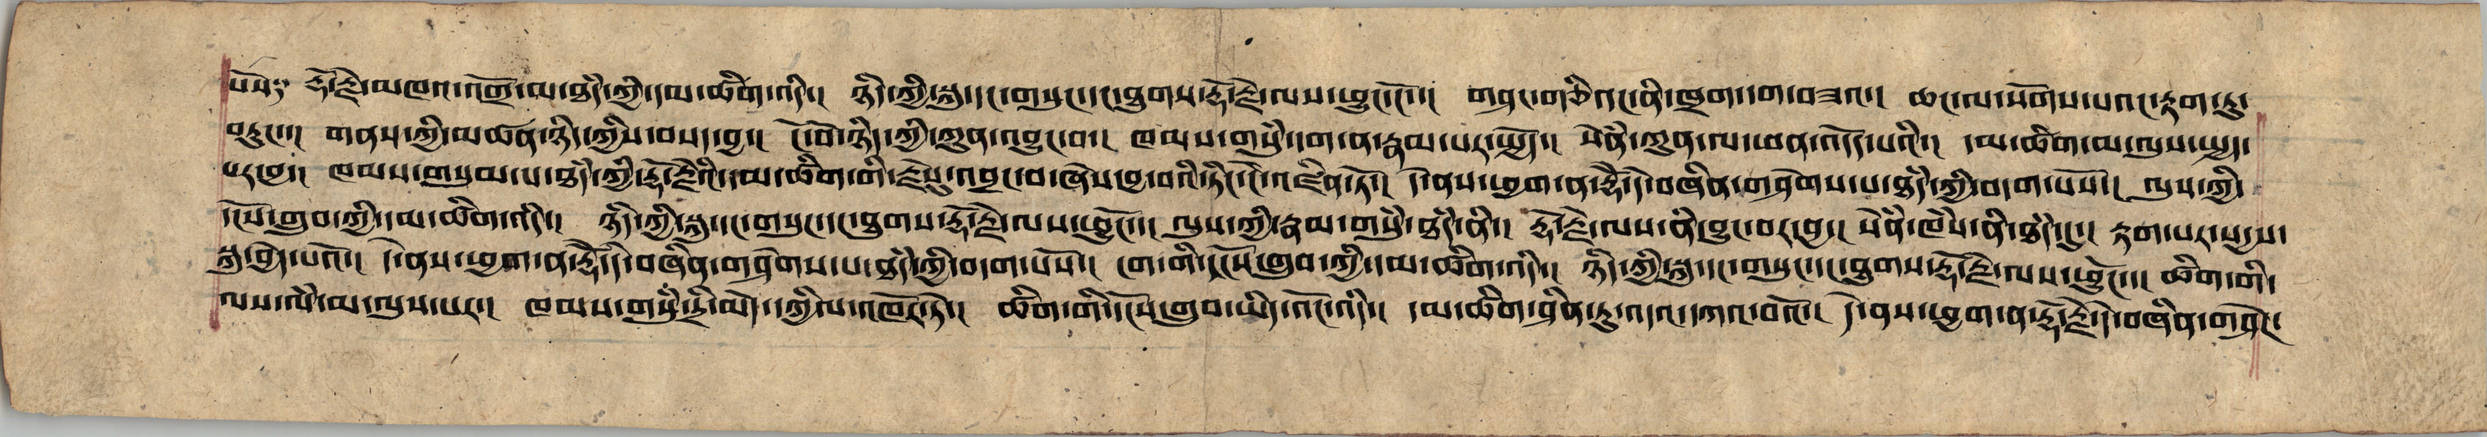པོས༑ རྡོ་རྗེ་མཁའ་འགྲོ་མ་ཐཾད་ཀྱི་དམ་ཚིག་འདི་། ཉིད་ཀྱི་སྐུ་དང་གསུང་དང་ཐུགས་རྡོ་རྗེ་ལས་ཕྱུང་ངོ་་། གཤང་གཅི་དང་ནི་ཁྲག་དག་བཟའ་། ཆང་ལ་སོགས་པའང་རྟག་ཏུ་
བཏུང་་། གནས་ཀྱི་མཚན་ཉིད་ཀྱིས་བསད་བྱ་། ངོ་བོ་ཉིད་ཀྱི་ཀུན་འབྱུང་བ་། ཁམས་གསུཾ་དག་ན་རྣམ་པར་སྤྱོད་། སེནཾ་ཀུན་ལ་ཕན་འདོད་པའི་། དམ་ཚིག་མ་ལུས་སྤྱད་
པར་བྱ་། ཁམས་གསུམ་པ་ཐཾད་ཀྱི་རྡོ་རྗེའི་དམ་ཚིག་གི་རྗེསུ་འབྲང་བ་ཞེས་བྱ་བའི་ཏིང་ངེ་འཛིན་ཏོ་། དེ་ནས་ཕྱག་ན་རྡོེ་དེ་བཞིན་གཤེགས་པ་ཐཾད་ཀྱི་བདག་པོས་། ལུས་ཀྱི་
དངོས་གྲུབ་ཀྱི་དམ་ཚིག་འདི་། ཉིད་ཀྱི་སྐུ་དང་གསུང་དང་ཐུགས་རྡོ་རྗེ་ལས་ཕྱུངོ་་། ལུས་ཀྱི་རྣམ་གསུཾ་ཐཾད་ནི་། རྡོ་རྗེ་ལས་ནི་བྱུང་བར་བྱ་། སེཾན་ཁཾས་ནི་ཐཾད་དུ་། རྟག་པར་སདྱས་
སྐུ་བྱེད་པའོ་། དེ་ནས་ཕྱག་ན་རྡོཻ་དེ་བཞིན་གཤེགས་པ་ཐཾད་ཀྱི་བདག་པོས་། ངག་གི་དངོས་གྲུབ་ཀྱི་དམ་ཚིག་འདི་། ཉིད་ཀྱི་སྐུ་དང་གསུང་དང་ཐུགས་རྡོ་རྗེ་ལས་ཕྱུངོ་་། ཚིག་གི་
ལས་ལཾ་མ་ལུས་པར་། ཁམས་གསུཾ་དྲི་མེད་དཀྱིལ་འཁོར་ཏེ་། ཚིག་གི་དངོས་གྲུབ་ཡིད་འོང་འདི་། དམ་ཚིག་ཤིན་ཏུ་འདའ་དཀའ་བའོ་། དེ་ནས་ཕྱག་ན་རྡོ་རྗེ་དེ་བཞིན་གཤེཌ་